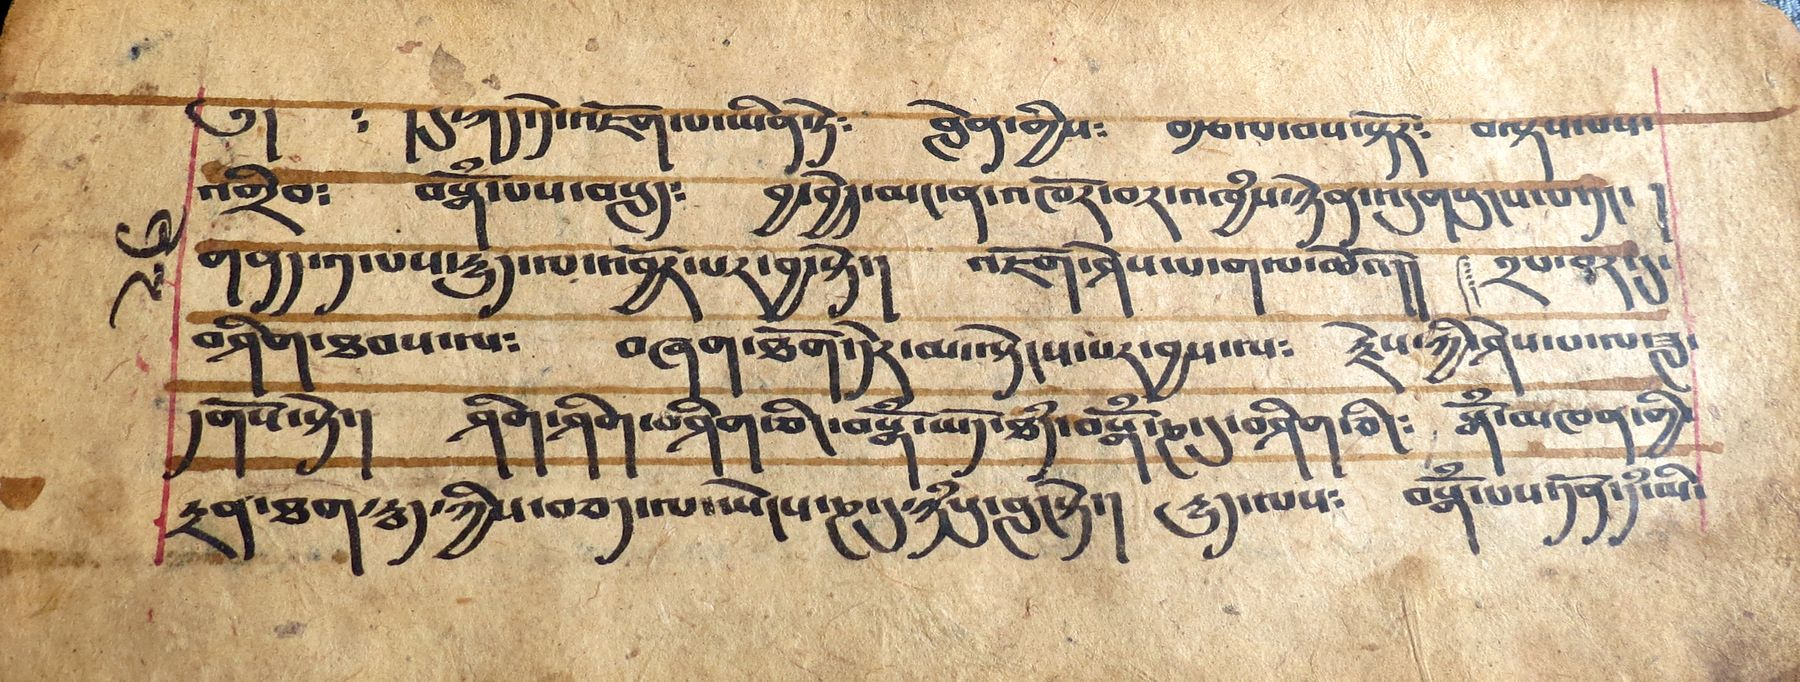ཏུ་ཀད་དེ་འཇོག་པ་ཡིན་ཏེ། བླ་ཆེན་གྱིས། བཙལ་བས་སྟོར། བལྟས་པས་
འགྲིབ། བསྒོམ་པས་སླད། བྱ་བྱེད་མང་ན་འཁོར་བར་འཁྱམས་ཉེན་འདུག་གསུངས་པ་དང་། 
གནད་གཅིག་པས་རྒྱུད་ལ་འབྱོར་བར་བྱ་སྟེ། འཇོག་ཤེས་པ་གལ་ཆེའོ། གཉིས་པ་བར་དུ་
བཤིགས་ཐབས་ལ། བཞག་ཐོག་དེར་མ་ལྡེངས་པ་བྱས་ལ། རྗེས་ཀྱི་ཤེས་པ་ལ་བཟླ་
དགོས་ཏེ། ཤིག་གིས་བཤིག་སྟེ་སྒོམ་ཡོད་ཐམས་ཅད་སྒོམ་མེད་དུ་བཤིག་ཅིང་། སྒོམ་མཁན་གྱི་
དྲན་ཐག་རྦད་དེ་བཅད་ལ་ཡེངས་མེད་དུ་ཉམས་སུ་བླངས་ཏེ། རྒྱུད་ལས། སྒོམ་པས་དོན་དམ་མི་